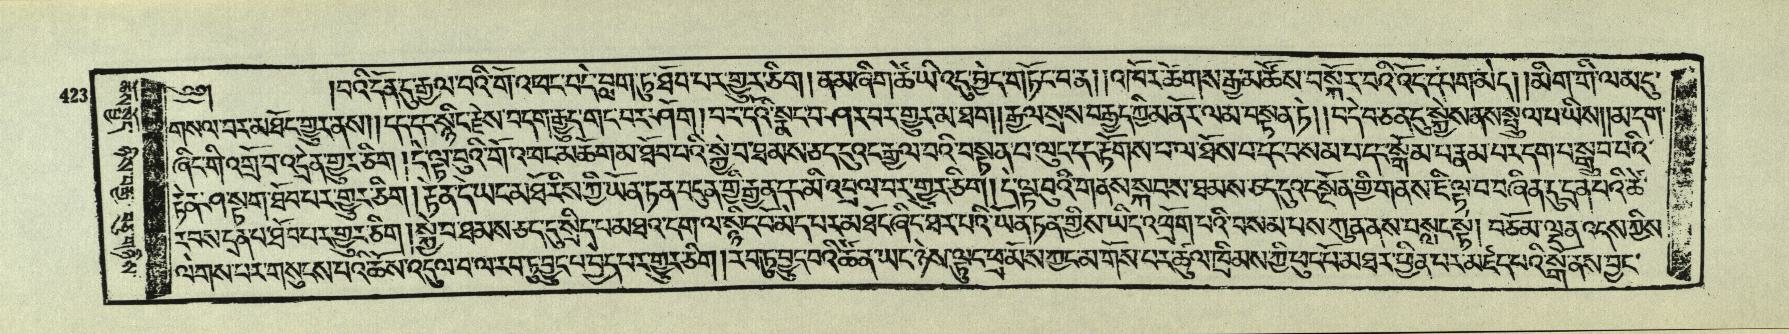༄༅། །བའི་དོན་དུ་རྒྱལ་བའི་གོ་འཕང་བདེ་བླག་ཏུ་ཐོབ་པར་གྱུར་ཅིག །ནམ་ཞིག་ཚེ་ཡི་འདུ་བྱེད་གཏོང་བ་ན། །འཁོར་ཚོགས་རྒྱ་མཚོས་བསྐོར་བའོ་འོད་དཔག་མེད། །མིག་གི་ལམ་དུ་
གསལ་བར་མཐོང་གྱུར་ནས། །དད་དང་སྙིང་རྗེས་བདག་རྒྱུད་གང་བར་ཤོག །བར་དོའི་སྣང་བ་ཤར་བར་གྱུར་མ་ཐག །རྒྱལ་སྲས་བརྒྱད་ཀྱི་མ་ནོར་ལམ་བསྟན་ཏེ། །བདེ་བ་ཅན་དུ་སྐྱེས་ནས་སྤྲུལ་པ་ཡིས། །མ་དག་
ཞིང་གི་འགྲོ་བ་འདྲེན་གྱུར་ཅིག །དེ་ལྟ་བུའི་གོ་འཕང་མཆོག་མ་ཐོབ་པའི་སྐྱེ་བ་ཐམས་ཅད་དུའང་རྒྱལ་བའི་བསྟན་པ་ལུང་དང་རྟོགས་པ་ལ་ཐོས་པ་དང་བསམ་པ་དང་སྒོམ་པ་རྣམ་པར་དག་པ་སྒྲུབ་པའི་
རྟེན་ཤ་སྟག་ཐོབ་པར་གྱུར་ཅིག །རྟེན་དེ་ཡང་མཐོ་རིས་ཀྱི་ཡོན་ཏན་བདུན་གྱི་རྒྱན་དང་མི་འབྲལ་བར་གྱུར་ཅིག །དེ་ལྟ་བུའི་གནས་སྐབས་ཐམས་ཅད་དུའང་སྔོན་གྱི་གནས་ཇི་ལྟ་བ་བཞིན་དུ་དྲན་པའི་ཚེ་
རབས་དྲན་པ་ཐོབ་པར་གྱུར་ཅིག །སྐྱེ་བ་ཐམས་ཅད་དུ་སྲིད་པ་མཐའ་དག་ལ་སྙིང་པོ་མེད་པར་མཐོང་ཞིང་ཐར་པའི་ཡོན་ཏན་གྱིས་ཡིད་འཕྲོག་པའི་བསམ་པས་ཀུན་ནས་བསླང་སྟེ། བཅོམ་ལྡན་འདས་ཀྱིས་
ལེགས་པར་གསུངས་པའི་ཆོས་འདུལ་བ་ལ་རབ་ཏུ་བྱུང་པ་བྱེད་པར་གྱུར་ཅིག །རབ་ཏུ་བྱུང་བའི་ཚོན་ཡང་ཉེས་ལྟུང་ཕྲ་མོས་ཀྱང་མ་གོས་པར་ཚུལ་ཁྲིམས་ཀྱི་ཕུང་པོ་མཐར་ཕྱིན་པར་མཛད་པའི་སྒོ་ནས་བྱང་